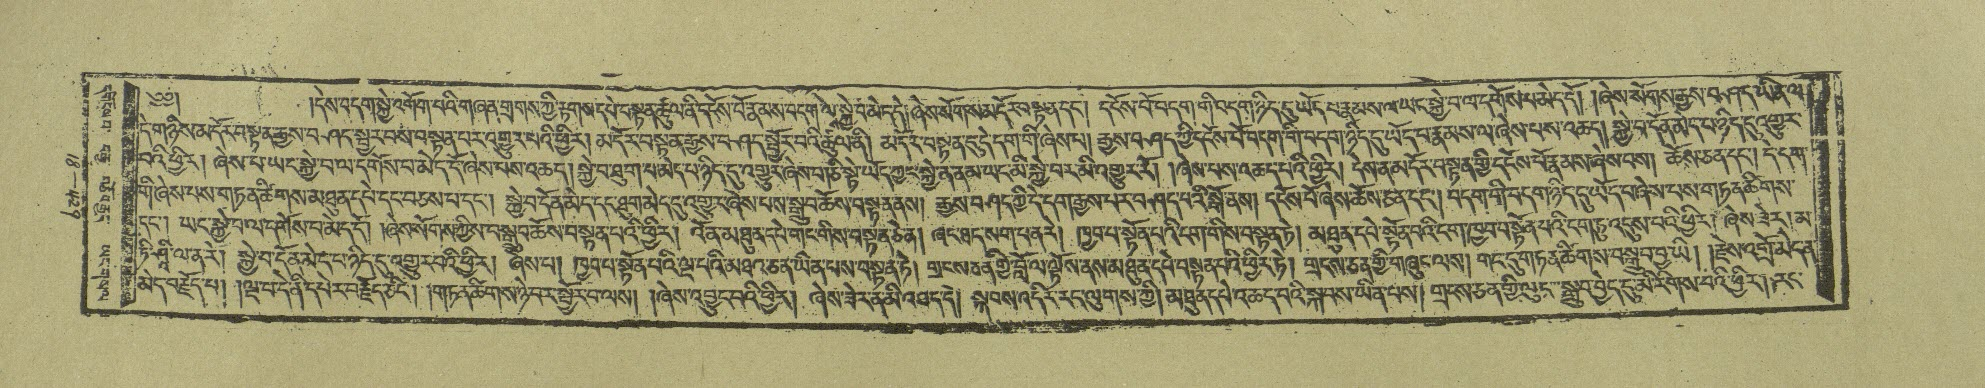༄༅། །དེས་བདག་སྐྱེ་འགོག་པའི་གཞན་གྲགས་ཀྱི་རྟགས་དཔེ་བསྟན་ཚུལ་ནི་དངོས་པོ་རྣམས་བདག་ལ་སྐྱེ་བ་མེད་དེ། ཞེས་སོགས་མདོར་བསྟན་དང་། དངོས་པོ་བདག་གི་བདག་ཉིད་དུ་ཡོད་པ་རྣམས་ལ་ཡང་སྐྱེ་བ་ལ་དགོས་པ་མེད་དོ། །ཞེས་སོགས་རྒྱས་བཤད་ཡིན་ལ་
དེ་གཉིས་མདོར་བསྟན་རྒྱས་བཤད་སྦྱར་བས་བསྟན་པར་འགྱུར་པའི་ཕྱིར། མདོར་བསྟན་རྒྱས་བཤད་སྦྱོར་བའི་ཚུལ་ནི། མདོར་བསྟན་དུ་དེ་དག་གི་ཞེས་པ། རྒྱས་བཤད་ཀྱི་དངོས་པོ་བདག་གི་བདག་ཉིད་དུ་ཡོད་པ་རྣམས་ལ་ཞེས་པས་འཆད། སྐྱེ་བ་དོན་མེད་པ་ཉིད་དུ་འགྱུར་
བའི་ཕྱིར། ཞེས་པ་ཡང་སྐྱེ་བ་ལ་དགོས་པ་མེད་དོ་ཞེས་པས་འཆད། སྐྱེ་བ་ཐུག་པ་མེད་པ་ཉིད་དུ་འགྱུར་ཞེས་པ། ཅི་སྟེ་ཡོད་ཀྱང་སྐྱེ་ན་ནམ་ཡང་མི་སྐྱེ་བར་མི་འགྱུར་རོ། །ཞེས་པས་འཆད་པའི་ཕྱིར། དེས་ན་མདོར་བསྟན་གྱི་དངོས་པོ་རྣམས་ཞེས་པས། ཆོས་ཅན་དང་། དེ་དག་
གི་ཞེས་པས་གཏན་ཚིགས་མཐུན་དཔེ་དང་བཅས་པ་དང་། སྐྱེ་བ་དོན་མེད་དང་ཐུག་མེད་དུ་འགྱུར་ཞེས་པས་སྒྲུབ་ཆོས་བསྟན་ནས། རྒྱས་བཤད་ཀྱི་དེ་དག་རྒྱས་པར་བཤད་པའི་སྒོ་ནས། དངོས་པོ་ཞེས་ཆོས་ཅན་དང་། བདག་གི་བདག་ཉིད་དུ་ཡོད་པ་ཞེས་པས་གཏན་ཚིགས་
དང་། ཡང་སྐྱེ་བ་ལ་དགོས་པ་མེད་དོ། །ཞེས་སོགས་ཀྱིས་བསྒྲུབ་ཆོས་བསྟན་པའི་ཕྱིར། འོ་ན་མཐུན་དཔེ་གང་གིས་བསྟན་ཅེ་ན། ཞང་ཐང་སག་པ་ན་རེ། ཁྱབ་པ་སྟོན་པའི་ངག་གིས་བསྟན་ཏེ། མཐུན་དཔེ་སྟོན་པའི་ངག་ཁྱབ་པ་སྟོན་པའི་ངག་ཏུ་འདུས་པའི་ཕྱིར། ཞེས་ཟེར། མ་
ཏི་ཤཱི་ལ་ན་རེ། སྐྱེ་བ་དོན་མེད་པ་ཉིད་དུ་འགྱུར་བའི་ཕྱིར། ཞེས་པ། ཁྱབ་པ་སྟོན་པའི་ལྔ་པའི་མཐའ་ཅན་ཡིན་པས་བསྟན་ཏེ། གྲངས་ཅན་གྱི་བློ་ལ་ལྟོས་ནས་མཐུན་དཔེ་བསྟན་པའི་ཕྱིར་ཏེ། གྲངས་ཅན་གྱི་གཞུང་ལས། གང་དུ་གཏན་ཚིགས་བསྒྲུབ་བྱ་ཡི། །རྗེས་འགྲེ་མེད་ན་
མེད་བརྗོད་པ། །ལྔ་པ་དེ་ནི་དཔེར་བརྗོད་ཅིང་། །གཏན་ཚིགས་ཉེ་བར་སྦྱོར་བ་ལས། །ཞེས་འབྱུང་བའི་ཕྱིར། ཞེས་ཟེར་ན་མི་འཐད་དེ། སྐབས་འདིར་རང་ལུགས་ཀྱི། མཐུན་དཔེ་འཆད་པའི་སྐབས་ཡིན་པས། གྲངས་ཅན་གྱི་ལུང་སྒྲུབ་བྱེད་དུ་མི་རིགས་པའི་ཕྱིར། རང་